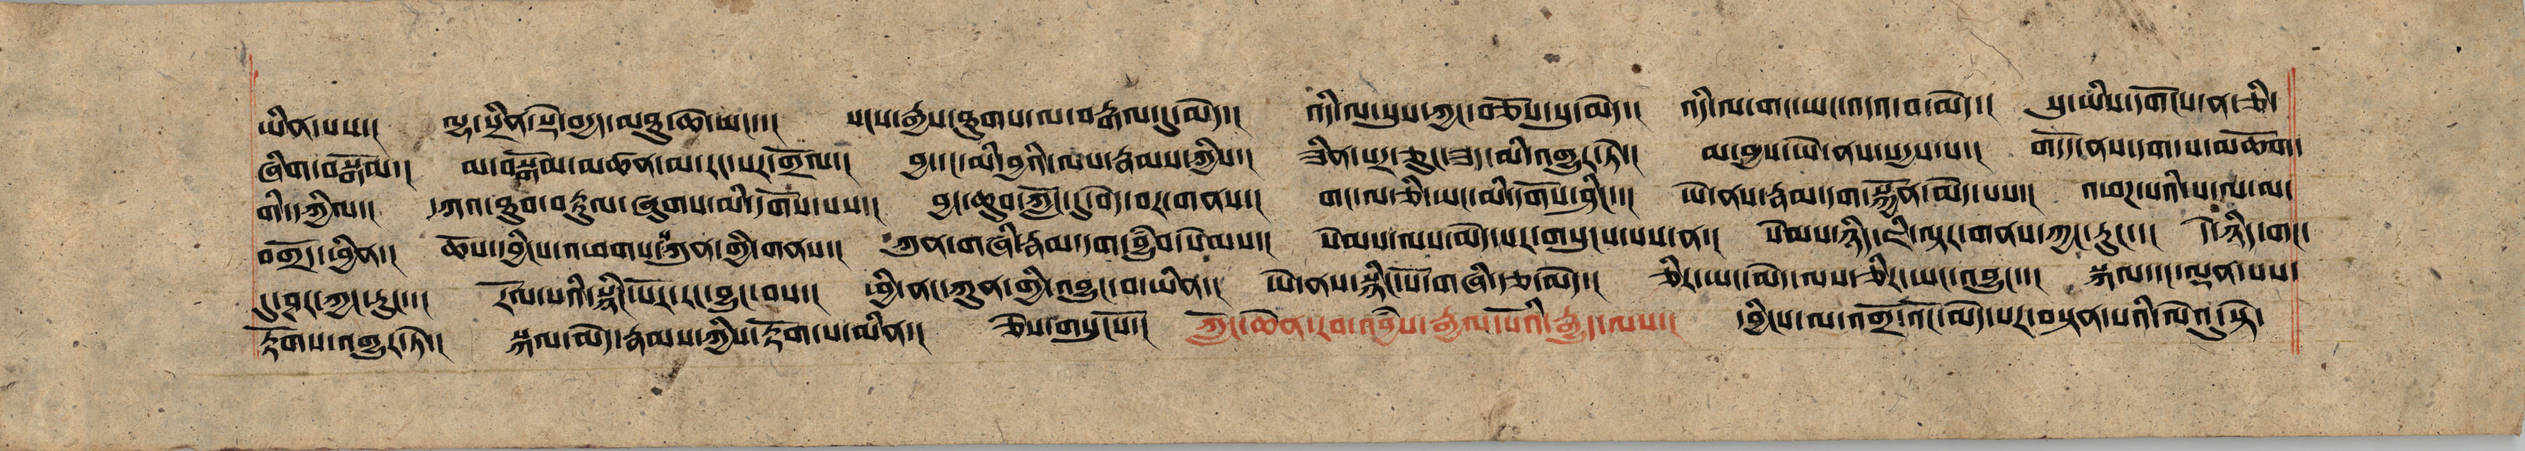ཡིན་པས་། ལྷ་སྲིན་སྡེ་བདྱད་མཐུ་ཆེ་ཡང་་། སངས་རྒྱས་ཐུགས་ལ་བརྒལ་དུ་མེད་། འདི་ལ་སུས་ཀྱང་བཅོས་སུ་མེད་། འདི་ལ་གང་ཡང་འདའ་བ་མེད་། སུ་ཡིས་དགོངས་ན་ཅི་
ཞིག་བསྒོམ་། མ་བསྒོམ་མཚན་མ་རང་སར་གྲོལ་། བྱ་དང་མི་བྱའི་ལས་རྣམས་ཀྱིས་། ཟིན་པར་ཅུང་ཟད་མི་འགྱུར་ཏེ་། མ་བྱས་ཡེ་ནས་སདྱས་པ་། གདོད་ནས་དག་པ་མཆོག་
གི་དཀྱིལ་། དཀའ་ཐུབ་བརྟུལ་ཞུགས་མི་དགོས་པས་། བྱང་ཆུབ་ཀློང་དུ་བདེ་བར་གནས་། གང་ལ་ཅི་ཡང་མི་དགོས་ཤིང་་། ཡེ་ནས་རྣམ་དག་སྐྱོན་མེད་པས་། འཕཌ་པའི་ས་ལ་མ་
བགྲོད་ཕྱིན་། ཆོས་དབྱིངས་འཕགས་པ་ཀུན་གྱི་གནས་། ཀུན་གཞི་རྣམ་དག་བྱུཾབ་སེམས་། སེམས་ལས་མེད་པར་གསུངས་པས་ན་། སེམས་ཉིད་ཇི་ལྟར་གནས་ཀྱང་རུང་་། དེ་ཉིད་གང་
དུ་ཤར་ཀྱང་རུང་་། རོལ་པའི་སྙིང་པོར་རང་བྱུང་བས་། ཕྱི་ནང་ཀུན་གྱི་འབྱུང་བ་ཡིན་། ཡེ་ནས་སྙིང་པོ་གཞི་རྩ་མེད་། ཅིར་ཡང་མེད་ལས་ཅིར་ཡང་འབྱུང་་། སྐལ་དང་ལྡན་པས་
རྟོགས་འགྱུར་ཏེ་། སྐལ་མེད་རྣམས་ཀྱིས་རྟོག་པ་མིན་། ཅེས་གསུངསོ་། ཀློང་ཆེན་་རབ་འབྱཾས་རྒྱལ་པོའི་རྒྱུད་ལས་། དབྱིངས་ལ་འགྲོ་འོང་མེད་པར་བསྟན་པའི་ལེའུ་སྟེ་